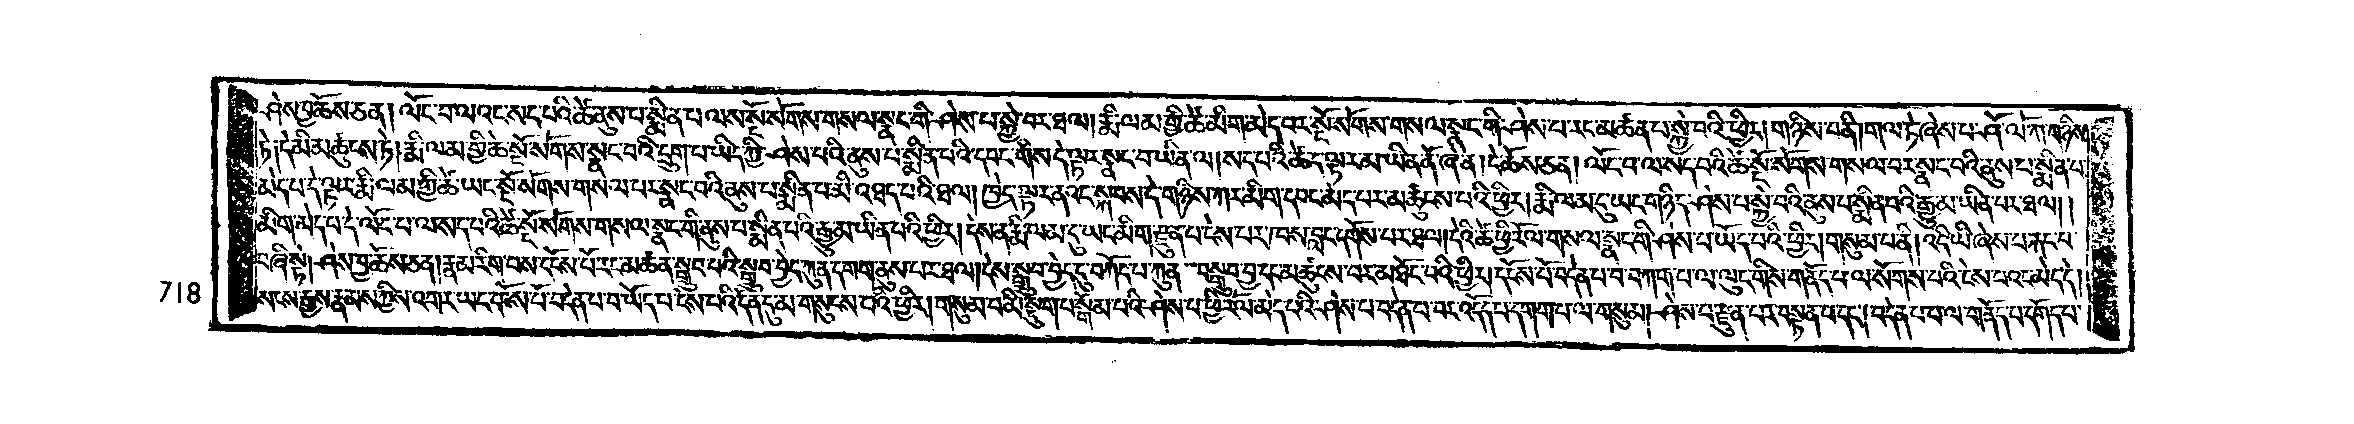ཤེས་བྱ་ཆོས་ཅན། ལོང་བ་ལའང་སད་པའི་ཚེ་ནུས་པ་སྨིན་པ་ལས་སྔོ་སོགས་གསལ་སྣང་གི་ཤེས་པ་སྐྱེ་བར་ཐལ། རྨི་ལམ་གྱི་ཚེ་མིག་མེད་པར་སྔོ་སོགས་གསལ་སྣང་གི་ཤེས་པ་རང་མཚན་པ་སྐྱེ་བའི་ཕྱིར། གཉིས་པ་ནི། གལ་ཏེ་ཞེས་པ་ཤོ་ལོ་ཀ་གཉིས་
ཏེ༑ དེ་མི་མཚུངས་ཏེ། རྨི་ལམ་གྱི་ཆེ་སྔོ་སོགས་སྣང་བའི་དྲུག་པ་ཡིད་ཀྱི་ཤེས་པའི་ནུས་པ་སྨིན་པའི་དབང་གིས་དེ་ལྟར་སྣང་བ་ཡིན་ལ། སད་པའི་ཚེ་ད་ལྟར་མ་ཡིན་ནོ་ཞེ་ན། དེ་ཆོས་ཅན། ལོང་བ་ལ་སད་པའི་ཚེ་སྔོ་སོགས་གསལ་བར་སྣང་བའི་ནུས་པ་སྨིན་པ་
མེད་པ་དེ་ལྟར་རྨི་ལམ་གྱི་ཚེ་ཡང་སྔོ་སོགས་གསལ་པར་སྣང་བའི་ནུས་པ་སྨིན་པ་མི་འཐད་པའི་ཐལ། ཁྱེད་ལྟར་ནའང་སྐབས་དེ་གཉིས་ཀར་མིག་དབང་མེད་པར་མཚུངས་པའི་ཕྱིར། རྨི་ལམ་དུ་ཡང་གཉིད་ཤེས་པ་སྐྱེ་བའི་ནུས་པ་སྨིན་པའི་རྒྱུ་མ་ཡིན་པར་ཐལ།།
མིག་མེད་པ་དེ་ལོང་པ་ལ་སད་པའི་ཚེ་སྔོ་སོགས་གསལ་སྣང་གི་ནུས་པ་སྨིན་པའི་རྒྱུ་མ་ཡིན་པའི་ཕྱིར། དེས་ན་རྨི་ལམ་དུ་ཡང་མིག་རྫུན་པ་ངེས་པར་ཁས་བླང་དགོས་པར་ཐལ། དེའི་ཚེ་ཕྱི་རོལ་གསལ་སྣང་གི་ཤེས་པ་ཡོད་པའི་ཕྱིར། གསུམ་པ་ནི། འདི་ཡི་ཞེས་པ་རྐང་པ་
བཞི་སྟེ། ཤེས་བྱ་ཆོས་ཅན། རྣམ་རིག་པས་དངོས་པོ་རང་མཚན་སྒྲུབ་པའི་སྒྲུབ་བྱེད་ཀུན་དགག་ནུས་པར་ཐལ། དེས་སྒྲུབ་བྱེད་དུ་བཀོད་པ་ཀུན་བསྒྲུབ་བྱ་དང་མཚུངས་པར་མཐོང་བའི་ཕྱིར། དངོས་པོ་བདེན་པ་བཀག་པ་ལ་ལུང་གིས་གནོད་པ་ལ་སོགས་པའི་ངེས་པའང་མེད་དེ།
སངས་རྒྱས་རྣམས་ཀྱིས་འགར་ཡང་དངོས་པོ་བདེན་པ་བ་ཡོད་པ་ངེས་པའི་དོན་དུ་མ་གསུངས་པའི་ཕྱིར། གསུམ་པ་མི་སྡུག་པ་སྒོམ་པའི་ཤེས་པ་ཕྱི་རོལ་མེད་པའི་ཤེས་པ་བདེན་པ་བར་འདོད་པ་དགག་པ་ལ་གསུམ། ཤེས་བ་རྫུན་པར་བསྟན་པ་དང་། བདེན་པ་བ་ལ་གནོད་པ་དགོད་པ་